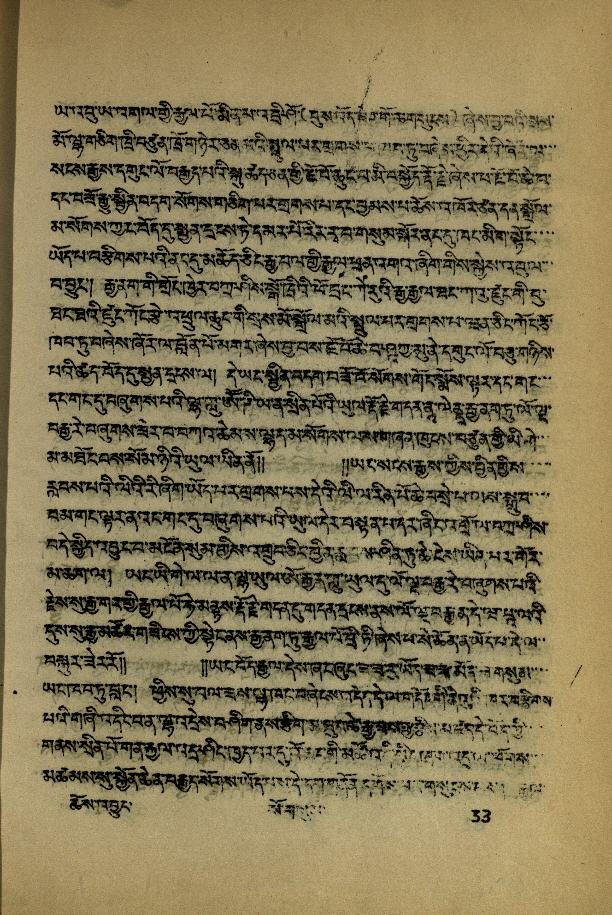ཡ་འབུ་ཡ་འགལ་གྱི་རྒྱལ་པོ་སྨིན་པ་འབྲི་ཤོ་བུས་འོད་ཟེར་གོ་ཆ་གསུངས་ཞེས་བྱ་བའི་?
མོ་ལྷ་གཅིག་ཁྲི་བཙུན་ཁྲོ་གཉེར་ཅན་པའི་སྤྲུལ་པར་གྲགས་པ་ཁབ་ཏུ་བཞེས་ཕྱིར་དེ་གི་ཞོལ?་ལ་
སངས་རྒྱས་དགུང་ལོ་བརྒྱད་པའི་སྐུ་ཚད་ཅན་གྱི་ཇོ་བོ་ཆུང་བ་མི་བསྐྱོད་རྡོ་རྗེ་ཞེས་པ་ཇོ་བོ་ཆེ་བ་
དང་བཟོ་རྒྱུ་སྦྱིན་བདག་སོགས་གཅིག་པར་གྲགས་པ་དང་བྱམས་པ་ཆོས་འཁོར་ཙན་དན་སྒྲོལ་
མ་སོགས་ཀྱང་བོད་དུ་སྤྱན་དྲངས་ཏེ་དམར་པོ་རིར་རྭ་བ་གསུམ་སྐོར་ནང་དུ་ཁང་མིག་སྟོང་
ཡོད་པ་བརྩིགས་པའི་ནང་དུ་མཆོད་ཅིང་རྒྱ་བལ་གྱི་རྒྱལ་ཕྲན་འགའ་ཞིག་གིས་སྐྱེས་འབུལ་
བ་བྱུང་། རྒྱ་ནག་གི་གྲོང་ཁྱེར་བཀྲ་ཤིས་སྒོ་ཁྲིའི་ཕོ་བྲང་ཀེ་རུའི་རྒྱ་རྒྱལ་ཐང་ཀའུ་ཛུང་གི་བུ་
ཐང་ཐའི་ཛུང་ཀོང་རྩེ་འཕྲུལ་ཆུང་གི་སྲས་མོ་སྒྲོལ་མའི་སྤྲུལ་པར་གྲགས་པ་ཝན་ཅིང་ཀོང་ཅོ་
ཁབ་ཏུ་བཞེས་ཞོར་ལ་བློན་པོ་མགར་ཞེས་བྱ་བས་ཇོ་བོ་ཆེ་བ་ཤཱཀྱ་མུ་ནེ་དགུང་ལོ་བཅུ་གཉིས་
པའི་ཚད་བོད་དུ་སྤྱན་དྲངས་ལ། དེ་ཡང་སྦྱིན་བདག་བཟོ་བོ་སོགས་གོང་སྨོས་ལྟར་དང་གང་
དང་གང་དུ་བཞུགས་པའི་ལྷ་ཀླུ་ཨཽ་ཊི་ཡ་ན་སྲིན་པོའི་ཡུལ་རྡོ་རྗེ་གདན་ནཱ་ལེནྡྲ་རྒྱ་ནག་ཏུ་ལོ་ལྔ་
བརྒྱ་རེ་བཞུགས་ཟེར་བ་བཀའ་ཆེམས་ལྷད་མ་སོགས་ལས་གཞན་ཁུངས་བཙུན་གྱི་ཡི་གེ་
མ་མཐོང་བས་སོམ་ཉིའི་ཡུལ་ཡིན་ནོ།། །།ཡང་སངས་རྒྱས་ཀྱིས་བྱིན་གྱིས་
རླབས་པའི་ལིའི་རི་ཞིག་ཡོད་པར་གྲགས་པས་དེའི་ལི་ལ་རིན་པོ་ཆེ་བསྲེ་བ་ལས་སྒྲུབ་
བམ་གང་ལྟར་ནའང་གང་དུ་བཞུགས་པའི་ཡུལ་དེར་བསྟན་པ་དར་ཞིང་འགྲོ་ལ་བཀྲ་ཤིས་
བདེ་སྐྱིད་འབྱུང་བ་མངོན་སུམ་གྱིས་འགྲུབ་ཅིང་བྱིན་རླབས་ཤིན་ཏུ་ཆེ་ངེས་ཡིན་པར་གོར་
ཆ་ཆག་ལ། ཡང་ཡི་གེ་ལ་ལ་ན་ལྷ་ཡུལ་ཨོ་རྒྱན་ཀླུ་ཡུལ་ལོ་ལྔ་བརྒྱ་རེ་བཞུགས་པའི་
རྗེས་སུ་རྒྱ་གར་གྱི་རྒྱལ་པོ་ཧེ་མནྟས་རྡོ་རྗེ་གདན་དུ་གདན་དྲངས་ནས་ལོ་ལྔ་བརྒྱ་ན་དེ་ལྔ་པཱ་ལའི་
དུས་སུ་རྒྱ་མཚོར་གཟིངས་ཀྱི་སྟེང་ནས་རྒྱ་ནག་ཏུ་རྒྱལ་པོ་བྲི་ཏི་ཞེས་པ་སེ་ཆོན་ན་ཡོད་པ་དེ་ལ་
བསྐུར་ཟེར་རོ།། །།ཡང་བོད་རྒྱལ་དེས་ཞང་ཞུང་ཟ་རུ་ཡོད་ཟ་ཟ་མོད་པ་གསུམ་
ཡང་ཁབ་ཏུ་བླང་། ཕྱིས་སུ་བལ་ཟས་ལྷ་ཁང་བཞེངས་འདེད་དེ་ལ་གདོང་གི་ནེའུའི་ཁར་བརྩིགས་
པའི་གཞི་འདིང་བ་ན་ལྷ་འདྲེས་བཤིག་ནས་རྩིག་མ་ཟུབ་ཚེ་རྒྱ་ཐས་རྒྱ་རྩིས་མཛད་དེ་བོད་ཀྱི་
གནས་སྲིན་པོ་གན་རྒྱལ་འདྲ་ཤིང་ཁྱད་པར་དུ་འོ་ཆང་གི་མཚོ་འདི་གི?་དག?་དྲག་ལ་??
མཚམས་སུ་སྐྱོན་ཆེན་བརྒྱད་སོགས་ཡོད་པས་དེ་དག་གནོན་དགོས་པར་གསུངས་པ། རྒྱལ་